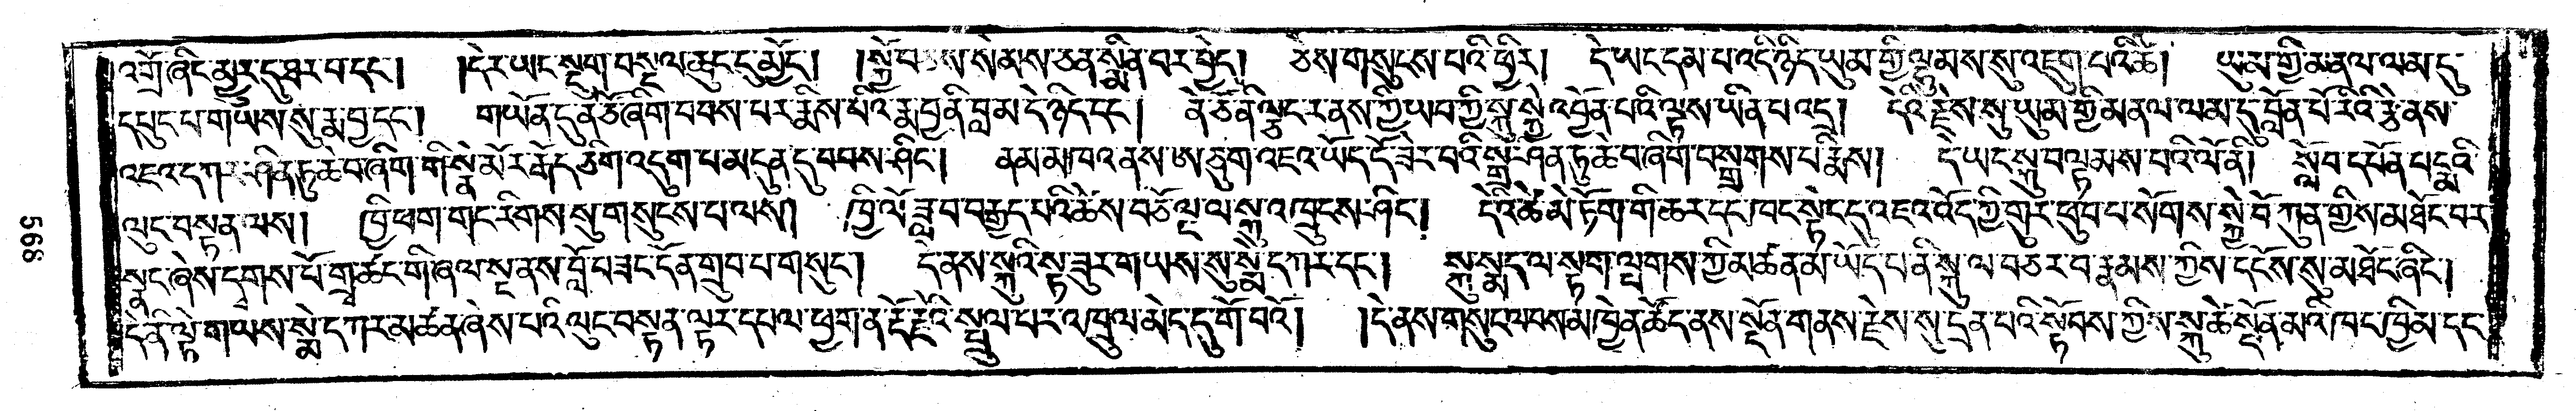འགྲོ་ཞིང་མྱུར་དུ་ཐར་པ་དང་། །དེར་ཡང་སྡུག་བསྔལ་ཆུང་དུ་མྱོང་། །སྐྱོ་བཅས་སེམས་ཅན་སྨིན་པར་བྱེད། ཅེས་གསུངས་པའི་ཕྱིར། དེ་ཡང་དམ་པ་འདི་ཉིད་ཡུམ་གྱི་ལྷུམས་སུ་འཇུག་པའི་ཚེ། ཡུམ་གྱི་མནལ་ལམ་དུ་
དཔུང་པ་གཡས་སུ་རྨ་བྱ་དང་། གཡོན་དུ་ནེ་ཙོ་ཞིག་བབས་པར་རྨིས་པའི་རྨ་བྱ་ནི་བླ་མ་དེ་ཉིད་དང་། ནེ་ཙོ་ནི་ལྕང་ར་ནས་ཀྱི་ཡབ་ཀྱི་སྐུ་སྐྱེ་འབྱོན་པའི་ལྟས་ཡིན་པ་འདྲ། དེའི་རྗེས་སུ་ཡུམ་གྱི་མནལ་ལམ་དུ་བློན་པོ་རིའི་རྩེ་ནས་
འཇའ་དཀར་ཤིན་ཏུ་ཆེ་བ་ཞིག་གི་སྣེ་མོར་རྒོད་ཅིག་འདུག་པ་མདུན་དུ་བབས་ཤིང་། ནམ་མཁའ་ནས་ཨ་ཅུག་འཇའ་ཡོད་དོ་ཟེར་བའི་སྒྲ་ཤིན་ཏུ་ཆེ་བ་ཞིག་བསྒྲགས་པ་རྨིས། དེ་ཡང་སྐུ་བལྟམས་པའི་ལོ་ནི། སློབ་དཔོན་པདམའི་
ལུང་བསྟན་ལས། ཁྱི་ཕག་གང་རིགས་སུ་གསུངས་པ་ལས། ཁྱི་ལོ་ཟླ་བ་བརྒྱད་པའི་ཚེས་བཅོ་ལྔ་ལ་སྐུ་འཁྲུངས་ཤིང་། དེའི་ཚེ་མེ་ཏོག་གི་ཆར་དང་ཁང་སྟེང་དུ་འཇའ་འོད་ཀྱི་གུར་ཕུབ་པ་སོགས་སྐྱེ་བོ་ཀུན་གྱིས་མཐོང་བར་
སྣང་ཞེས་དྭགས་པོ་གྲྭ་ཚང་གི་ཞལ་སྔ་ནས་བློ་བཟང་དོན་གྲུབ་པ་གསུང་། དེ་ནས་སྐུའི་སྟ་ཟུར་གཡས་སུ་སྨེ་དཀར་དང་། སྐུ་སྨད་ལ་སྟག་ལྤགས་ཀྱི་མཚན་མ་ཡོད་པ་ནི་སྐུ་ལ་བཅར་བ་རྣམས་ཀྱིས་དངོས་སུ་མཐོང་ཞིང་།
དེ་ནི་ལྟེ་གཡས་སྨེ་དཀར་མཚན་ཞེས་པའི་ལུང་བསྟན་ལྟར་དཔལ་ཕྱག་ན་རྡོ་རྗེའི་སྤྲུལ་པར་འཁྲུལ་མེད་དུ་གོ་བའོ། །དེ་ནས་གསུང་ལ་བསམ་མཁྱེན་ཚོད་ནས་སྔོན་གནས་རྗེས་སུ་དྲན་པའི་སྟོབས་ཀྱིས་སྐུ་ཚེ་སྔོན་མའི་ཁང་ཁྱིམ་དང་